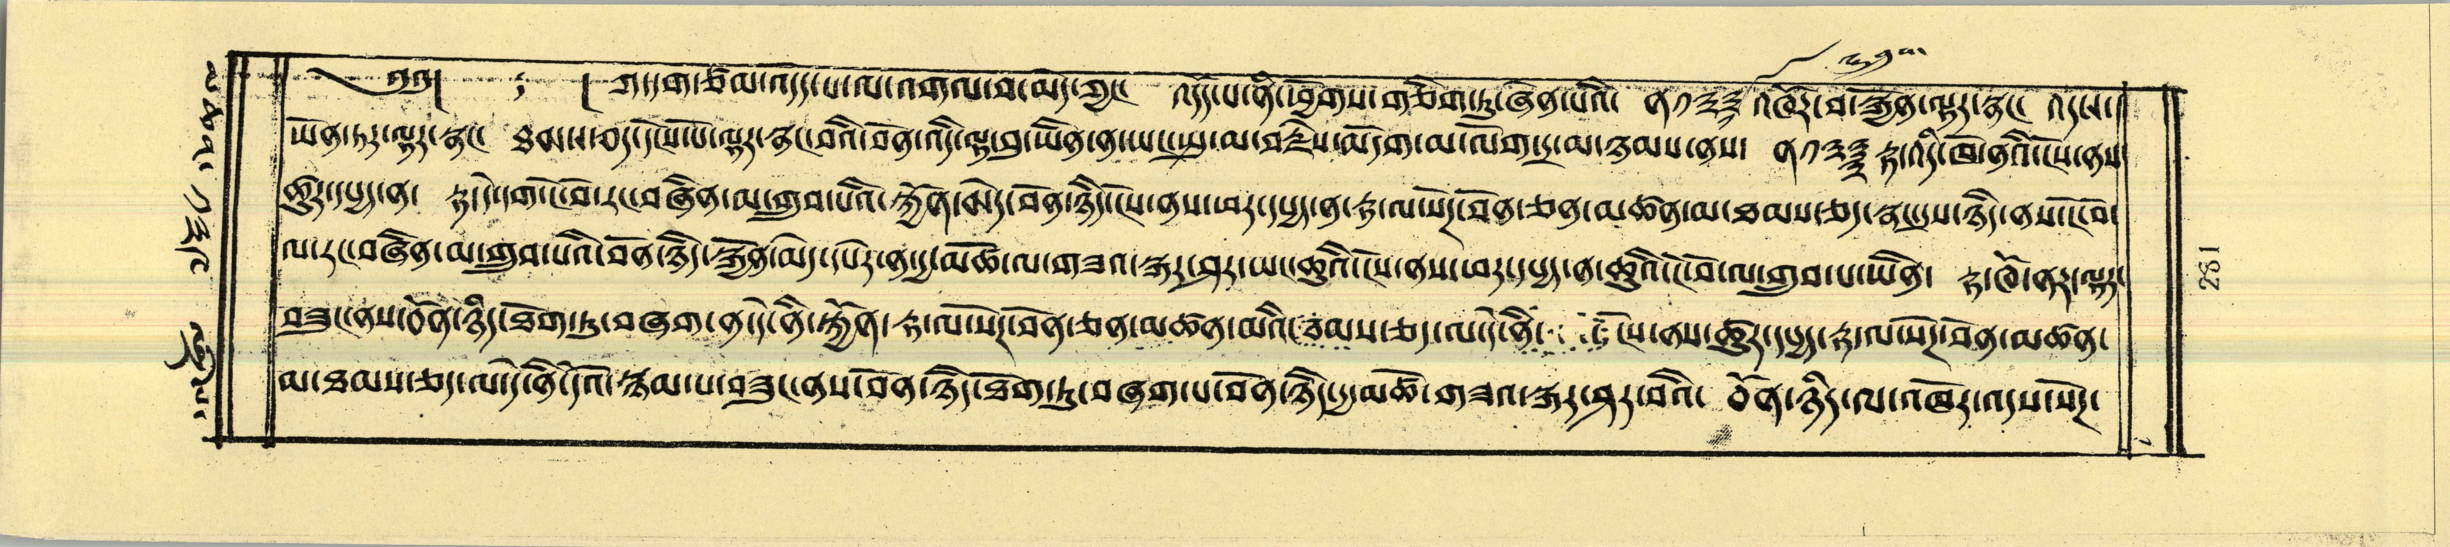ཀ་དག་ཙམ་འདོད་པ་ལ་འགལ་བ་མེད་ཀྱང། འདོད་པ་ནི་ཕྱོགས་གཅིག་ཏུ་ཞེན་པའི། ན༡༣༣།༡ འཁོར་བ་སྐྱོན་ལྟར་སྣང་ འདས་
ཡོན་ཏན་ལྟར་སྣང། ཐམས་ཅད་དངོས་པོ་ལྟར་སྣང་བའི་བོན་འདི་ལྟ་བུ་ཡིན་ན་ཡང་སྤྲུ་མ་བརྗེས་མདོག་མ་ལོག་དྲ་མ་ཉམས་ནས། ན༡༣༣༣ རྟ་འདི་ཁོ་ནའི་ངོས་ནས་ 
ཚུར་དཔྱད་ན། རྟ་དེ་དག་ངོ་བོ་རང་བཞིན་མ་གྲུབ་པའི་སྐྱོན་མེད་བོན་ཉིད་ངོས་ནས་ཕར་དཔྱད་ན་རྟ་ལ་སོགས་བོན་ཅན་མཚན་མ་ཐམས་ཅད་སྣང་དུས་ཉིད་ནས་ངོ་བོ་
ལ་རང་བཞིན་མ་གྲུབ་པའི་བོན་ཉིད་སྐྱོན་མེད་དཔེར་ན་རྒྱ་མཚོ་ལ་གཟའ་སྐར་ཤར་ཡང་ཆུའི་ངོས་ནས་ཕར་དཔྱད་ན་ཆུའི་ངོ་བོ་ལ་གྲུབ་པ་ཡིན། རྟ་ཁོ་ནར་ལྟར་
བཟུང་ནས་བོན་ཉིད་ཐོག་ཏུ་བཞག་ན་དེ་ནི་སྐྱོན་རྟ་ལ་སོགས་བོན་ཅན་མཚན་མའི་ཐམས་ཅད་ལ་དེ་ནི་ངོས་ནས་ཚུར་དཔྱད་རྟ་ལ་སོགས་བོན་མཚན་
མ་ཐམས་ཅད་ལ་དེ་ནི་དེའོ་སྙམ་པ་བཟུང་ནས་བོན་ཉིད་ཐོག་ཏུ་བཞག་པ་བོན་ཉིད་རྒྱ་མཚོ་གཟའ་སྐར་ཤར་བའི་ བོན་ཉིད་ལ་འཁོར་འདས་སོགས་